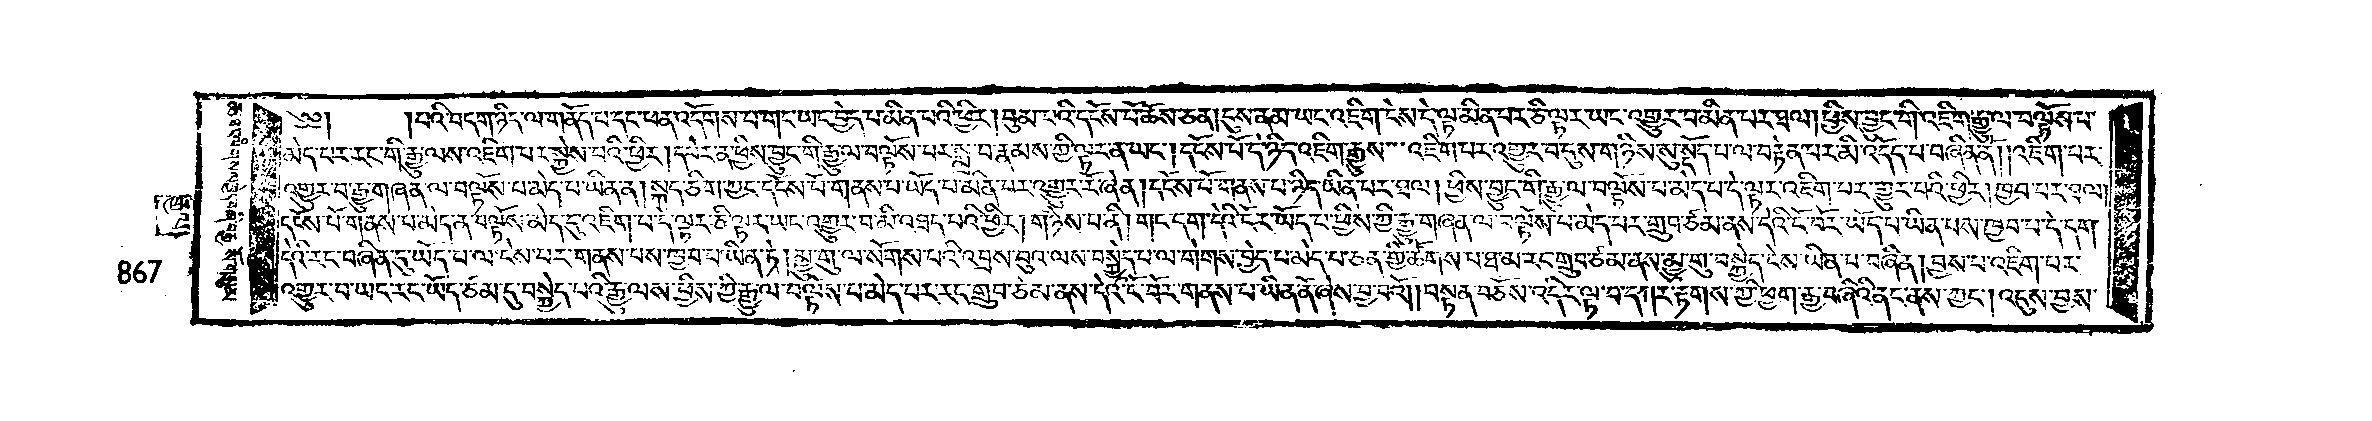༄༅། །པའི་བདག་ཉིད་ལ་གནོད་པ་དང་ཕན་འདོགས་པ་གང་ཡང་བྱེད་པ་མིན་པའི་ཕྱིར། བུམ་པའི་དངོས་པོ་ཆོས་ཅན། དུས་ནམ་ཡང་འཇིག་ངེས་དེ་ལྟ་མིན་པར་ཅི་ལྟར་ཡང་འགྱུར་བ་མིན་པར་ཐལ། ཕྱིས་བྱུང་གི་འཇིག་རྒྱུ་ལ་བལྟོས་པ་
མེད་པར་རང་གི་རྒྱུ་ལས་འཇིག་པར་སྐྱེས་པའི་ཕྱིར། དཔེར་ན་ཕྱིས་བྱུང་གི་རྒྱུ་ལ་བལྟོས་པར་སྨྲ་བ་རྣམས་ཀྱི་ལྟར་ན་ཡང་། དངོས་པོ་དེ་ཉིད་འཇིག་རྒྱུས་འཇིག་པར་འགྱུར་བ་དུས་གཉིས་སུ་སྡོད་པ་ལ་བརྟེན་པར་མི་འདོད་པ་བཞིན་ནོ། །འཇིག་པར་
འགྱུར་རང་རྒྱུ་གཞན་ལ་བལྟོས་པ་མེད་པ་ཡིན་ན། སྐད་ཅིག་ཀྱང་དངོས་པོ་གནས་པ་ཡོད་པ་མིན་པར་འགྱུར་རོ་ཞེན། དངོས་པོ་གནས་པ་ཉིད་ཡིན་པར་ཐལ། ཕྱིས་བྱུང་གི་རྒྱུ་ལ་བལྟོས་པ་མེད་པ་དེ་ལྟར་འཇིག་པར་གྱུར་པའི་ཕྱིར། ཁྱབ་པར་ཐལ།
དངོས་པོ་གནས་པ་མེད་ན་བལྟོས་མེད་དུ་འཇིག་པ་དེ་ལྟར་ཅི་ལྟར་ཡང་འགྱུར་བ་མི་འཐད་པའི་ཕྱིར། གཉིས་པ་ནི། གང་དག་དེའི་ངོར་ཡོད་པ་ཕྱིས་ཀྱི་རྒྱུ་གཞན་ལ་བལྟོས་པ་མེད་པར་གྲུབ་ཙམ་ནས་དེའི་ངོ་བོར་ཡོད་པ་ཡིན་པས་ཁྱབ་པ་དེ་དག་
དེའི་རང་བཞིན་དུ་ཡོད་པ་ལ་ངེས་པར་གནས་པས་ཁྱབ་པ་ཡིན་ཏེ། མྱུ་གུ་ལ་སོགས་པའི་འབྲས་བུའི་ལས་བསྐྱེད་པ་ལ་གེགས་བྱེད་པ་མེད་པ་ཅན་གྱི་ཚོགས་པ་ཐ་མ་རང་གྲུབ་ཙམ་ནས་མྱུ་གུ་བསྐྱེད་ངེས་ཡིན་པ་བཞིན། བྱས་པ་འཇིག་པར་
འགྱུར་བ་ཡང་རང་ཡོད་ཙམ་དུ་བསྐྱེད་པའི་རྒྱུ་ལས་ཕྱིས་ཀྱི་རྒྱུ་ལས་བལྟོས་པ་མེད་པར་རང་གྲུབ་ཙམ་ནས་དེའི་ངོ་པོར་གནས་པ་ཡིན་ནོ་ཞེས་བྱ་བའོ། །བསྟན་བཅོས་འདིར་ལྟ་བ་དཀར་རྟགས་ཀྱི་ཕྱག་རྒྱ་བཞིའི་ནང་ནས་ཀྱང་། འདུས་བྱས་